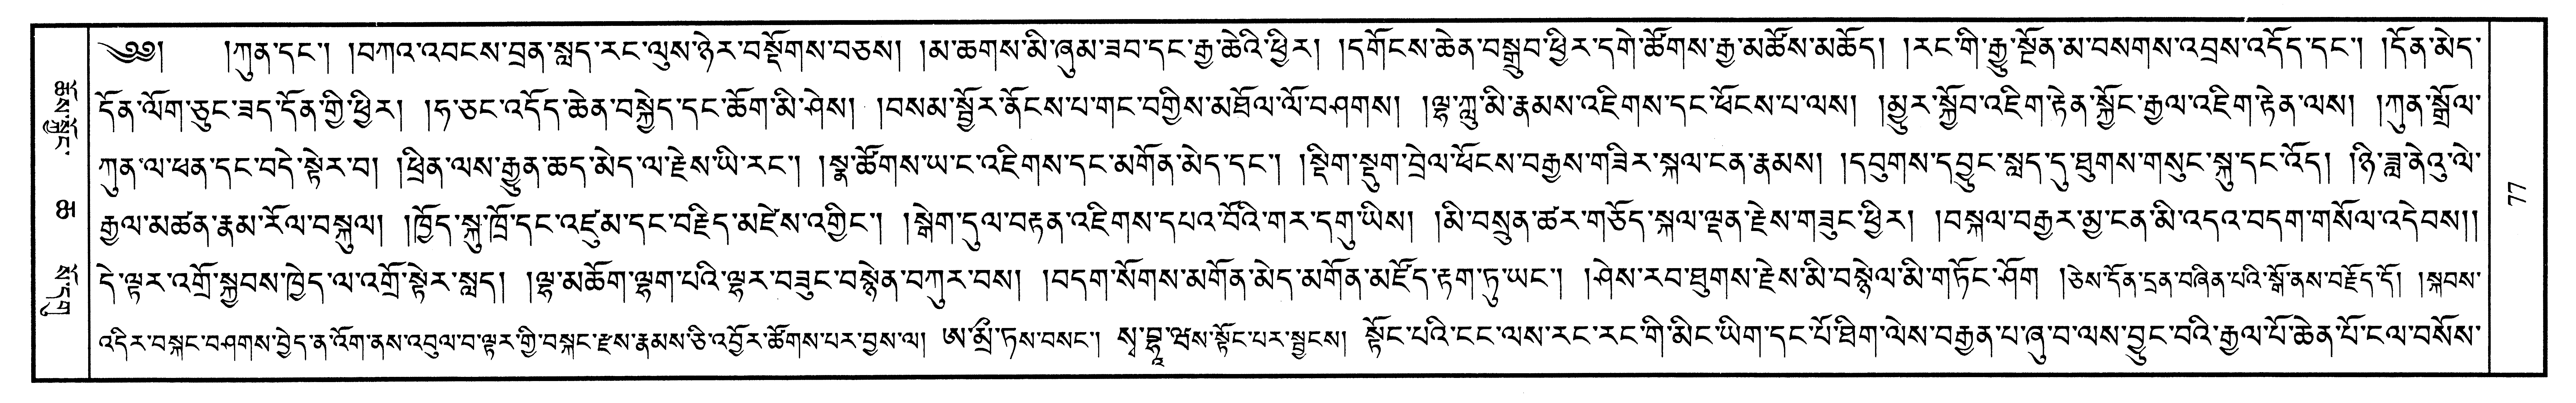༄༅། །ཀུན་དང་། །བཀའ་འབངས་བྲན་སླད་རང་ལུས་ཉེར་བསྡོགས་བཅས། །མ་ཆགས་མི་ཞུམ་ཟབ་དང་རྒྱ་ཆེའི་ཕྱིར། །དགོངས་ཆེན་བསྒྲུབ་ཕྱིར་དགེ་ཚོགས་རྒྱ་མཚོས་མཆོད། །རང་གི་རྒྱུ་སྔོན་མ་བསགས་འབྲས་འདོད་དང་། །དོན་མེད་
དོན་ལོག་ཅུང་ཟད་དོན་གྱི་ཕྱིར། །ཧ་ཅང་འདོད་ཆེན་བསྐྱེད་དང་ཆོག་མི་ཤེས། །བསམ་སྦྱོར་ནོངས་པ་གང་བགྱིས་མཐོལ་ལོ་བཤགས། །ལྷ་ཀླུ་མི་རྣམས་འཇིགས་དང་ཕོངས་པ་ལས། །མྱུར་སྐྱོབ་འཇིག་རྟེན་སྐྱོང་རྒྱལ་འཇིག་རྟེན་ལས། །ཀུན་སྒྲོལ་
ཀུན་ལ་ཕན་དང་བདེ་སྟེར་བ། །ཕྲིན་ལས་རྒྱུན་ཆད་མེད་ལ་རྗེས་ཡི་རང་། །སྣ་ཚོགས་ཡ་ང་འཇིགས་དང་མགོན་མེད་དང་། །སྡིག་སྡུག་བྲེལ་ཕོངས་བརྒྱས་གཟིར་སྐལ་ངན་རྣམས། །དབུགས་དབྱུང་སླད་དུ་ཐུགས་གསུང་སྐུ་དང་འོད། །ཉི་ཟླ་ནེའུ་ལེ་
རྒྱལ་མཚན་རྣམ་རོལ་བསྐུལ། །ཁྱོད་སྐུ་ཁྲོ་དང་འཛུམ་དང་བརྗིད་མཛེས་འགྱིང་། །སྒེག་དུལ་བརྟན་འཇིགས་དཔའ་བོའི་གར་དགུ་ཡིས། །མི་བསྲུན་ཚར་གཅོད་སྐལ་ལྡན་རྗེས་གཟུང་ཕྱིར། །བསྐལ་བརྒྱར་མྱ་ངན་མི་འདའ་བདག་གསོལ་འདེབས།།
དེ་ལྟར་འགྲོ་སྐྱབས་ཁྱེད་ལ་འགྲོ་སྟེར་སླད། །ལྷ་མཆོག་ལྷག་པའི་ལྷར་བཟུང་བསྙེན་བཀུར་བས། །བདག་སོགས་མགོན་མེད་མགོན་མཛོད་རྟག་ཏུ་ཡང་། །ཤེས་རབ་ཐུགས་རྗེས་མི་བསྙེལ་མི་གཏོང་ཤོག །ཅེས་དོན་དྲན་བཞིན་པའི་སྒོ་ནས་བརྗོད་དོ། །སྐབས་
འདིར་བསྐང་བཤགས་བྱེད་ན་འོག་ནས་འབུལ་བ་ལྟར་གྱི་བསྐང་རྫས་རྣམས་ཅི་འབྱོར་ཚོགས་པར་བྱས་ལ། ཨ་མྲྀ་ཏས་བསང་། སྭ་བྷཱ་ཝས་སྟོང་པར་སྦྱངས། སྟོང་པའི་ངང་ལས་རང་རང་གི་མིང་ཡིག་དང་པོ་ཐིག་ལེས་བརྒྱན་པ་ཞུ་བ་ལས་བྱུང་བའི་རྒྱལ་པོ་ཆེན་པོ་ངལ་བསོས་